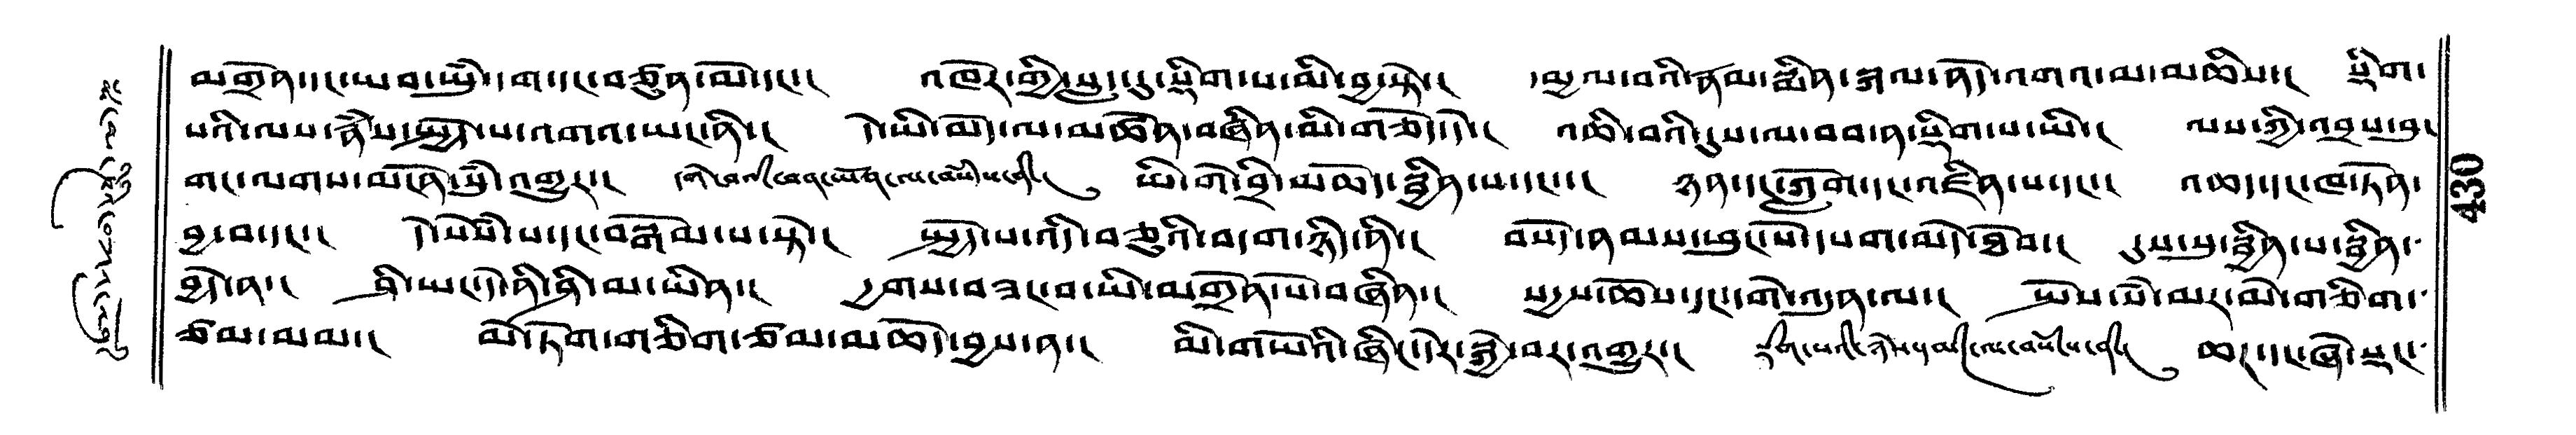།མགྲོན་དང་ཡབ་ཡུམ་དག་དང་བཙུན་མོ་དང་། །འཁོར་གྱི་སླད་དུ་སྡིག་པ་མི་བྱས་སྟེ། །དམྱལ་བའི་རྣམ་སྨིན་སྐལ་ནོད་འགའ་མ་མཆིས། །སྡིག་
པའི་ལས་རྣམས་སྤྱོད་པ་འགའ་ཡང་ནི། །དེ་ཡི་མོད་ལ་མཚོན་བཞིན་མི་གཅོད་དེ། །འཆི་བའི་དུས་ལ་བབ་ན་སྡིག་པ་ཡི། །ལས་ཀྱི་འབྲས་བུ་
གང་ལགས་མངོན་སུམ་འགྱུར། དགེ་བའི་ཕན་ཡོན་ལ་བསམ་པ་ནི། ཡི་གེ་བྲི་མཆོད་སྦྱིན་པ་དང། །ཉན་དང་ཀློག་དང་འཛིན་པ་དང་། །འཆད་དང་ཁ་ཏོན་
བྱ་བ་དང་། །དེ་སེམས་པ་དང་བསྒོམ་པ་སྟེ། །སྤྱོད་པ་འདི་བཅུའི་བདག་ཉིད་ནི། །བསོད་ནམས་ཕུང་པོ་དཔག་མེད་ཐོབ། །དུས་སུ་སྦྱིན་པ་སྦྱིན་
བྱེད་ན། །ཤི་ཡང་དེ་ནི་ཤི་མ་ཡིན། །རྒྱགས་བཟང་བ་ཡི་མགྲོན་པོ་བཞིན། །སངས་རྒྱས་ཆོས་དང་དགེ་འདུན་ལ། །སྤོས་སམ་མར་མེ་གཅིག་
ཙམ་མམ། །མེ་ཏོག་གཅིག་ཙམ་མཆོད་བྱས་ན། །མི་གཡོའི་ཞིང་དེར་སྐྱེ་བར་འགྱུར།སྡིག་པའི་ཉེས་དམིགས་ལ་བསམ་པ་ནི། ཆགས་དང་ཞེ་སྡང་